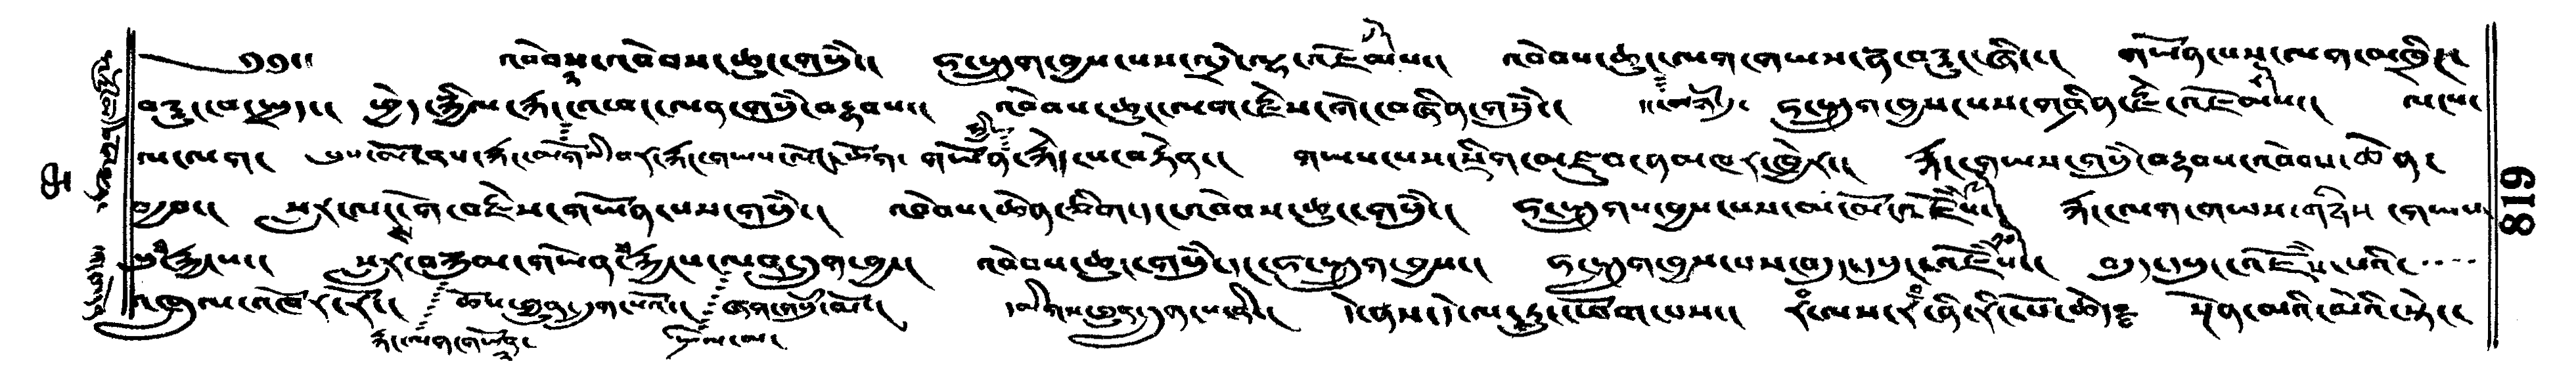འབེབས་འབེབས་ཆུང་གསུམ། །ཧ་སྤྲུག་བྱས་པས་འདྲེ་ལྷ་འཇོམས། །འབེབས་ཆུང་ལག་གཡས་སྣ་བཟུང་ཞིང་། །གཡོན་པས་ལག་མཁྲིག་
བཟུང་པ་སྤྲད། །ཕྱེད་སྐྱིལ་རྐང་འཕང་ལན་གསུམ་བརྡབ། །འབེབས་ཆུང་ལག་རྗེས་གོང་བཞིན་གསུམ། །ཧ་སྤྲུག་བྱས་པས་གཤིན་རྗེ་འཇོམས། །ལངས་
ལ་ལག་གཡོན་རྐེད་པ་བརྟེན། །གཡས་པས་སྡིགས་མཛུབ་ནམ་མཁར་ཁྱེར། །རྐང་གཡས་གསུམ་བརྡབ་འབེབས་ཆེན་
བརྒྱབ། །སླར་ལངས་གོ་བརྗེས་གཡོན་པས་གསུམ། །འབེབས་ཆེན་ཅིག་དང་འབེབས་ཆུང་གསུམ། །ཧ་སྤྲུག་བྱས་པས་མ་མོ་འཇོམས། །རྐང་ལག་གཡས་གཉིས་གཡས་
སུ་བརྐྱངས། །སླར་བསྐུམ་གཡོན་བརྐྱངས་ལན་དྲུག་བྱ། །འབེབས་ཆུང་གསུམ་དང་ཧ་སྤྲུག་བྱས། །ཧ་སྤྲུག་བྱས་པས་བདུད་དཔུང་འཇོམས། །བདུད་དཔུང་འཇོམས་པའི་
འཁྲུལ་འཁོར་རོ། །དེ་ནས་དེ་ལ་རླུང་ཕོག་པས། །རྃ་ལས་རྃ་ནི་རིང་པོ་ཆེད། །སྔོན་མའི་མེ་ཡི་སྟེང་